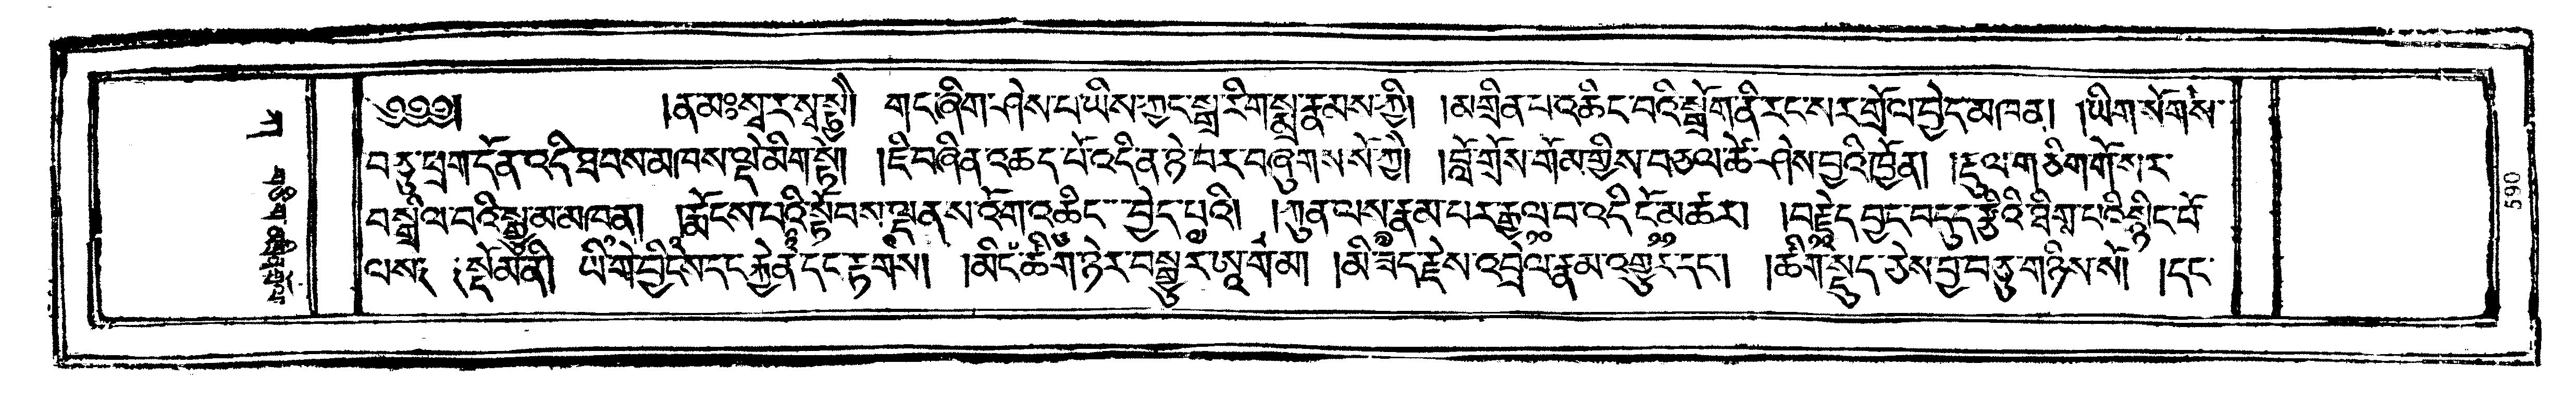༄༅༅། །ན་མཿ སྭ་ར་སྭསྟྱཻ། གང་ཞིག་ཤེས་པ་ཡིས་ཀྱང་སྒྲ་རིག་སྨྲ་རྣམས་ཀྱི། །མགྲིན་པ་འཆིང་བའི་སྒྲོག་ནི་རང་སར་གྲོལ་བྱེད་མཁན། །ཡིག་སོགས་
བཅུ་ཕྲག་དོན་འདི་ཐབས་མཁས་ལྡེ་མིག་སྟེ། །ཇི་བཞིན་འཆད་པོ་འདི་ན་ཉེ་བར་བཞུགས་སོ་ཀྱི། །བློ་གྲོས་གོམ་གྱིས་བཅལ་ཚེ་ཤེས་བྱའི་ཁྱོན། །རྡུལ་གཅིག་གོ་སར་
བསྒྲིལ་བའི་སྒྱུ་མ་མཁན། །རྨོངས་པའི་སྟོབས་ལྡན་ས་འོག་འཆིང་བྱེད་པའི། །ཀུན་ལས་རྣམ་པར་རྒྱལ་བ་འདི་ངོ་མཚར། །བརྗེད་བྱང་བདུད་རྩིའི་ཐིགས་པའི་སྙིང་པོ་
ལས། །སྡོམ་ནི། ཡི་གེ་བྱིངས་དང་། རྐྱེན་དང་རྟགས། །མིང་ཚིག་ཉེར་བསྒྱུར་ཨཱ་གམ། །མི་ཟད་རྗེས་འབྲེལ་རྣམ་འགྱུར་དང་། །ཚིག་སྡུད་ཅེས་བྱ་བཅུ་གཉིས་སོ། །དང་